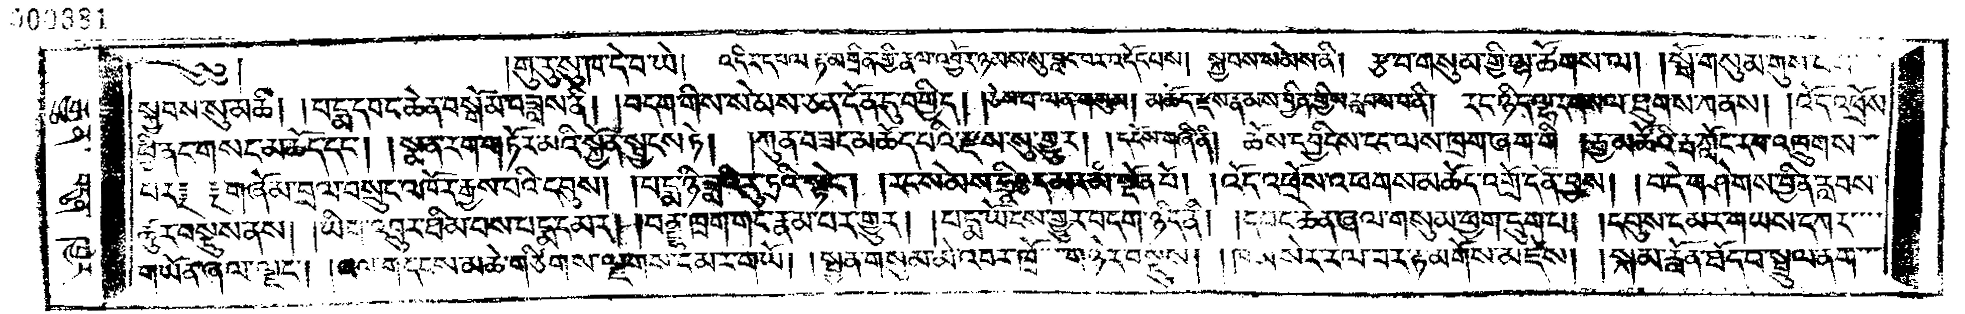༄༅། །གུ་རུ་སུ་ཁ་དེ་བ་ཡེ། འདིར་དཔལ་རྟ་མགྲིན་གྱི་རྣལ་འབྱོར་ཉམས་སུ་བླང་བར་འདོད་པས།  སྐྱབས་སེམས་ནི། རྩ་བ་གསུམ་གྱི་ལྷ་ཚོགས་ལ། །སྒོ་གསུམ་གུས་པས་
སྐྱབས་སུ་མཆི། །པདམ་དབང་ཆེན་བསྒོམ་བཟླས་ནི། །བདག་གིས་སེམས་ཅན་དོན་དུ་བགྱིད། ། ཅེས་པ་ལན་གསུམ། མཆོད་རྫས་རྣམས་བྱིན་གྱིས་རླབས་པ་ནི།  རང་ཉིད་ལྷར་གསལ་ཐུགས་ཀ་ནས། །འོད་འཕྲོས་
ཕྱི་ནང་གསང་མཆོད་དང་། །སྨན་རག་གཏོར་མའི་སྐྱོན་སྦྱངས་ཏེ། །ཀུན་བཟང་མཆོད་པའི་རྫས་སུ་གྱུར། ། དངོས་གཞི་ནི།  ཆོས་དབྱིངས་ངང་ལས་ཁྲག་ཞག་གི །རྒྱ་མཚོའི་རྦ་ཀློང་རབ་འཁྲུགས་
པར། །གཞོམ་བྲལ་བསྲུང་འཁོར་རྒྱས་པའི་དབུས། །པདམ་ཉི་ཟླའི་རུ་ཏྲའི་སྟེང་། །རང་སེམས་ཧྲཱིཿ དམར་མཾ་སྔོན་པོ། །འོད་འཕྲོས་འཕགས་མཆོད་འགྲོ་དོན་བྱས། །བདེ་གཤེགས་བྱིན་རླབས་
ཚུར་བསྡུས་ནས། །ཡིག་འབྲུར་ཐིམ་པས་པདམ་དམར། །བནྡྷ་ཁྲག་གང་རྣམ་པར་གྱུར། །པདམ་ཡོངས་གྱུར་བདག་ཉིད་ནི། །དབང་ཆེན་ཞལ་གསུམ་ཕྱག་དྲུག་པ། །དབུས་དམར་གཡས་དཀར་
གཡོན་ཞལ་ལྗང་། །ཞལ་གདངས་མཆེ་གཙིགས་ལྗགས་དམར་གཡོ། །སྤྱན་གསུམ་མེ་འབར་ཁྲོ་གཉེར་བསྡུས། །ཁམ་སེར་རལ་བར་རྟ་མགོས་མཛེས། །སྐམ་རློན་ཐོད་བ་སྦྲུལ་ནག་